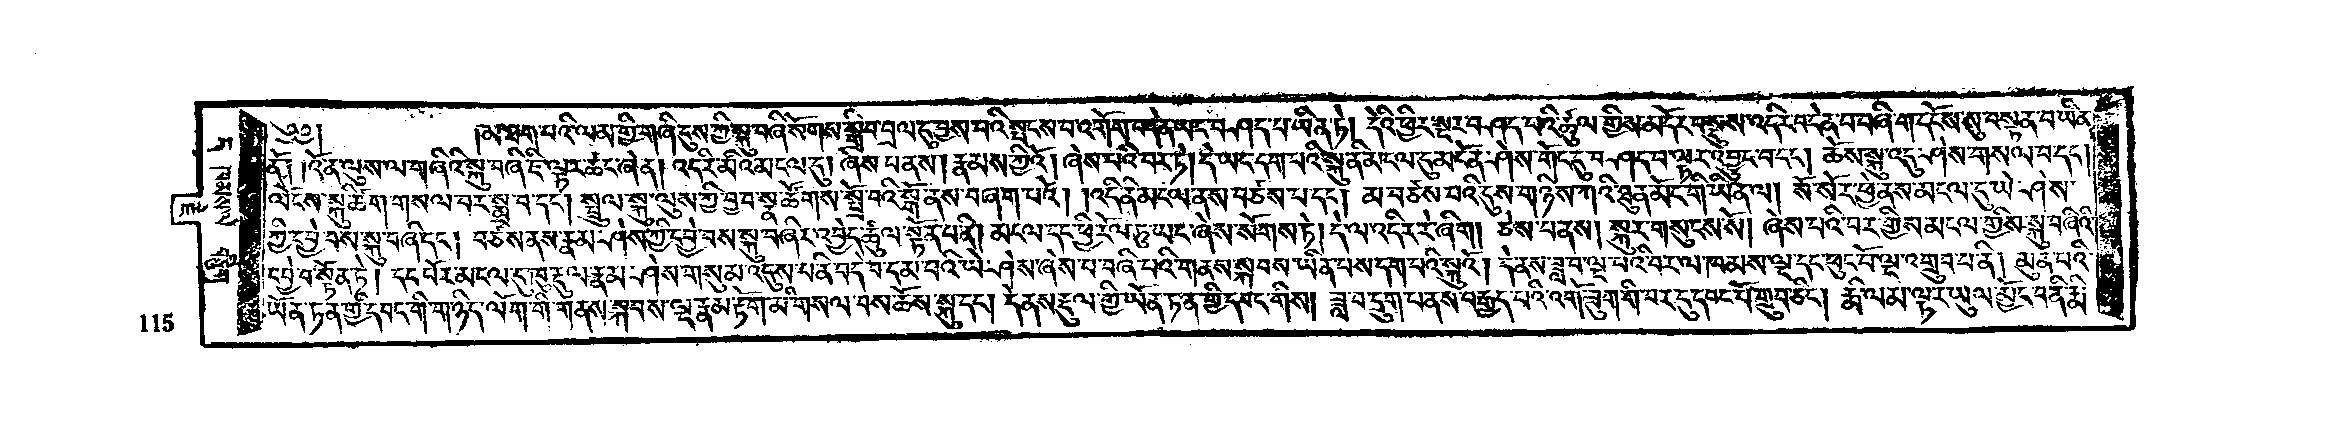༄༅། །མ་ཐག་པའི་ལམ་གྱི་གཞི་དུས་ཀྱི་སྐུ་བཞི་སོགས་སྒྲིབ་བྲལ་དུ་བྱས་པའི་སྤངས་པ་འགོག་བདེན་ཡང་བཤད་པ་ཡིན་ཏེ། དེའི་ཕྱིར་སྔར་བཤད་པའི་ཚུལ་གྱིས་མདོར་བསྡུས་འདིར་བདེན་པ་བཞི་ག་དངོས་སུ་བསྟན་པ་ཡིན་
ནོ། །འོ་ན་ལུས་ལ་གཞིའི་སྐུ་བཞི་ཇི་ལྟར་ཚང་ཞེ་ན། འདིར་མའི་མངལ་དུ། ཞེས་པ་ནས། རྣམས་ཀྱིའོ། ཞེས་པའི་བར་ཏེ། དེ་ཡང་དག་པའི་སྐུ་ནི་མངལ་དུ་མངོན་ཤེས་གོང་དུ་བཤད་པ་ལྟར་འབྱུང་བ་དང་། ཆོས་སྐུ་འདུ་ཤེས་གསལ་བ་དང་།
ལོངས་སྐུ་ཚིག་གསལ་བར་སྨྲ་བ་དང་། སྤྲུལ་སྐུ་ལུས་ཀྱི་བྱ་བ་སྣ་ཚོགས་སྤྲོ་བའི་སྒོ་ནས་བཞག་པའོ། །འདི་ནི་མངལ་ནས་བཙས་པ་དང་། མ་བཙས་པའི་དུས་གཉིས་ཀའི་ཐུན་མོང་གི་ཡིན་ལ། སོ་སོར་ཕྱེ་ནས་མངལ་དུ་ཡེ་ཤེས་
ཀྱི་དབྱེ་བས་སྐུ་བཞི་དང་། བཙས་ནས་རྣམ་ཤེས་ཀྱི་དབྱེ་བས་སྐུ་བཞིར་འབྱེད་ཚུལ་སྟོན་པ་ནི། མངལ་དང་ཕྱི་རོལ་ཏུ་ཡང་ཞེས་སོགས་ཏེ། དེ་ལ་འདིར་རེ་ཞིག །ཅེས་པ་ནས། སྐུར་གསུངས་སོ། ཞེས་པའི་བར་གྱིས་མངལ་གྱིས་སྐུ་བཞིའི་
དབྱེ་བ་སྟོན་ཏེ། དང་པོར་མངལ་དུ་ཁུ་རྡུལ་རྣམ་ཤེས་གསུམ་འདུས་པ་ནི་བདེ་བ་དམ་པའི་ཡེ་ཤེས་ཞེས་པ་བཞི་པའི་གནས་སྐབས་ཡིན་པས་དག་པའི་སྐུའོ། དེ་ནས་ཟླ་བ་ལྔ་པའི་བར་ལ་ཁམས་ལྔ་དང་ཕུང་པོ་ལྔ་འགྲུབ་པ་ནི། མུན་པའི་
ཡོན་ཏན་གྱི་དབང་གི་ག་ཉིད་ལོག་གི་གནས་སྐབས་ལྔ་རྣམ་རྟོག་མི་གསལ་བས་ཆོས་སྐུ་དང་། དེ་ནས་རྡུལ་གྱི་ཡོན་ཏན་གྱི་དབང་གིས། ཟླ་བ་དྲུག་པ་ནས་བརྒྱད་པའི་འགོ་ཟུག་གི་བར་དུ་དབང་པོ་གྲུབ་ཅིང་། རྨི་ལམ་ལྟར་ཡུལ་མྱོང་བ་ནི་རྨི་